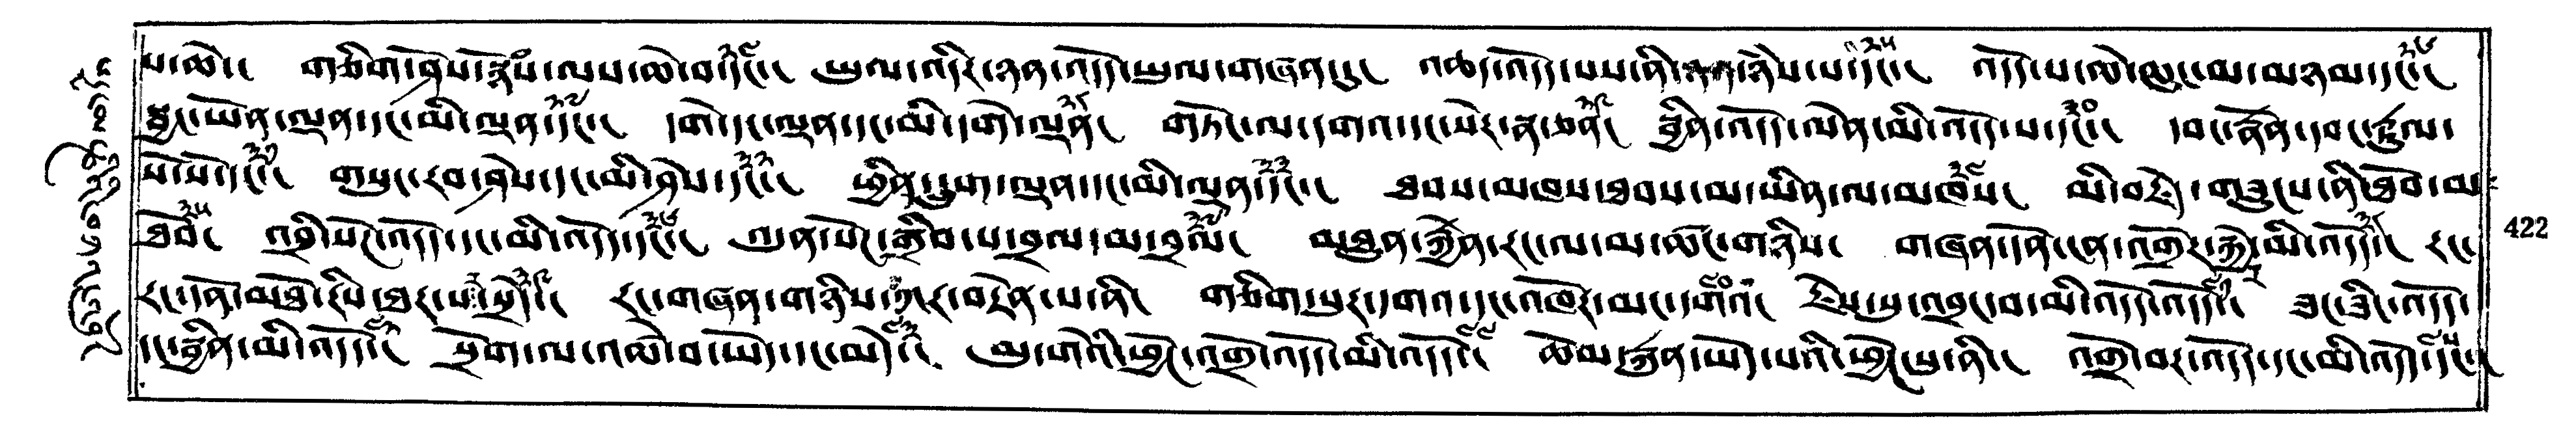པ་ཆེ། །གཅིག་ཤོས་སྙོམ་ལས་ཆེ་བ་དང་། །ཡུལ་འདིར་ཉན་འདོད་ཡུལ་གཞན་དུ། །འཆད་འདོད་པས་ནི་ཉམས་པ་དང་། །འདོད་པ་ཆེ་ཆུང་མ་མཉམ་དང་། །
སྦྱངས་ཡོན་ལྡན་དང་མི་ལྡན་དང་། །དགེ་དང་ལྡན་དང་མི་དགེ་ལྡན། །གཏོང་ལ་དགའ་དང་སེར་སྣ་ཅན། །སྦྱིན་འདོད་ལེན་མི་འདོད་པ་དང་། །དབང་རྣོན་དབང་རྟུལ་
སོ་སོ་དང་། །གསུང་རབ་ཤེས་དང་མི་ཤེས་དང་། །ཕྱིན་དྲུག་ལྡན་དང་མི་ལྡན་དང་། །ཐབས་མཁས་ཐབས་མ་ཡིན་ལ་མཁས། །མི་བརྗེད་གཟུངས་ནི་ཐོབ་མ་
ཐོབ། །འབྲི་སོགས་འདོད་དང་མི་འདོད་དང་། །འདུན་སོགས་སྒྲིབ་པ་བྲལ་མ་བྲལ། །མཐུན་རྐྱེན་རང་ལ་མ་ཚང་གཉིས། །གཞན་དོན་ངན་འགྲོར་སྐྱེར་མི་འདོད། །རང་
རང་དོན་མཐོ་རིས་ཐར་པར་སྲེད། །རང་གཞན་གཉིས་ཀར་བརྟེན་པ་ནི། །གཅིག་པུར་དགའ་དང་འཁོར་མང་དགའ། །རྗེས་སུ་འབྲང་བ་མི་འདོད་འདོད། །ཟང་ཟིང་འདོད་
དང་སྦྱིན་མི་འདོད། །སྲོག་ལ་འཚེ་བ་ཡོད་དང་མེད། །མུ་གེའི་ཕྱོགས་འགྲོ་འདོད་མི་འདོད། །ཆོམ་རྐུན་ཡོད་པའི་ཕྱོགས་སུ་ནི། །འགྲོ་བར་འདོད་དང་མི་འདོད་དང་། །